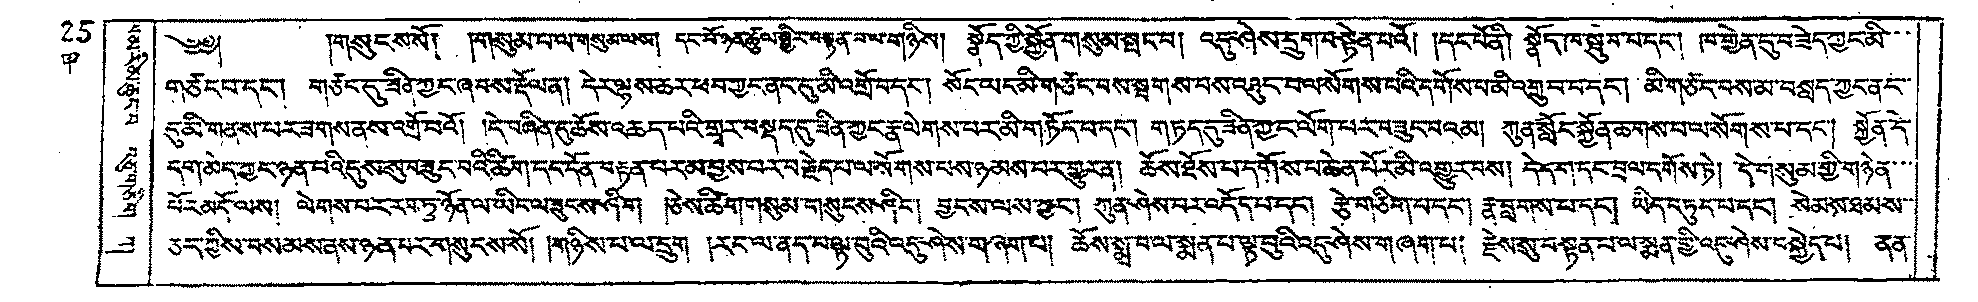༄༅། །གསུངས་སོ། །གསུམ་པ་ལ་གསུམ་ལས། དང་པོ་ཉན་ཚུལ་སྤྱིར་བསྟན་པ་ལ་གཉིས། སྣོད་ཀྱི་སྐྱོན་གསུམ་སྤང་བ། འདུ་ཤེས་དྲུག་བསྟེན་པའོ། །དང་པོ་ནི། སྣོད་ཁ་སྦུབ་པ་དང་། ཁ་གྱེན་དུ་བཟེད་ཀྱང་མི་
གཙང་བ་དང་། གཙང་དུ་ཟིན་ཀྱང་ཞབས་རྡོལ་ན། དེར་ལྷས་ཆར་ཕབ་ཀྱང་ནང་དུ་མི་འགྲོ་བ་དང་། སོང་ཡང་མི་གཙང་བས་སྤགས་པས་འཐུང་བ་ལ་སོགས་པའི་དགོས་པ་མི་འགྲུབ་པ་དང་། མི་གཙང་བས་མ་བསླད་ཀྱང་ནང་
དུ་མི་གནས་པར་ཟགས་ནས་འགྲོ་བའོ། །དེ་བཞིན་དུ་ཆོས་འཆད་པའི་གྲྭར་བསྡད་དུ་ཟིན་ཀྱང་རྣ་ལེགས་པར་མི་གཏོད་པ་དང་། གཏད་དུ་ཟིན་ཀྱང་ལོག་པར་བཟུང་བའམ། ཀུན་སློང་སྐྱོན་ཆགས་པ་ལ་སོགས་པ་དང་། སྐྱོན་དེ་
དག་མེད་ཀྱང་ཉན་པའི་དུས་སུ་བཟུང་བའི་ཚིག་དང་དོན་བརྟན་པར་མ་བྱས་པར་བརྗེད་པ་ལ་སོགས་པས་ཉམས་པར་གྱུར་ན། ཆོས་ཐོས་པ་དགོས་པ་ཆེན་པོར་མི་འགྱུར་བས། དེ་དག་དང་བྲལ་དགོས་ཏེ། དེ་གསུམ་གྱི་གཉེན་
པོར་མདོ་ལས། ལེགས་པར་རབ་ཏུ་ཉོན་ལ་ཡིད་ལ་ཟུངས་ཤིག། ཅེས་ཚིག་གསུམ་གསུངས་ཤིང་། བྱང་ས་ལས་ཀྱང་། ཀུན་ཤེས་པར་འདོད་པ་དང་། རྩེ་གཅིག་པ་དང་། རྣ་བླགས་པ་དང་། ཡིད་བཏུད་པ་དང་། སེམས་ཐམས་
ཅད་ཀྱིས་བསམས་ནས་ཉན་པར་གསུངས་སོ། །གཉིས་པ་ལ་དྲུག། རང་ལ་ནད་པ་ལྟ་བུའི་འདུ་ཤེས་གཞག་པ། ཆོས་སྨྲ་བ་ལ་སྨན་པ་ལྟ་བུའི་འདུ་ཤེས་གཞག་པ། རྗེས་སུ་བསྟན་པ་ལ་སྨན་གྱི་འདུ་ཤེས་བསྐྱེད་པ། ནན་